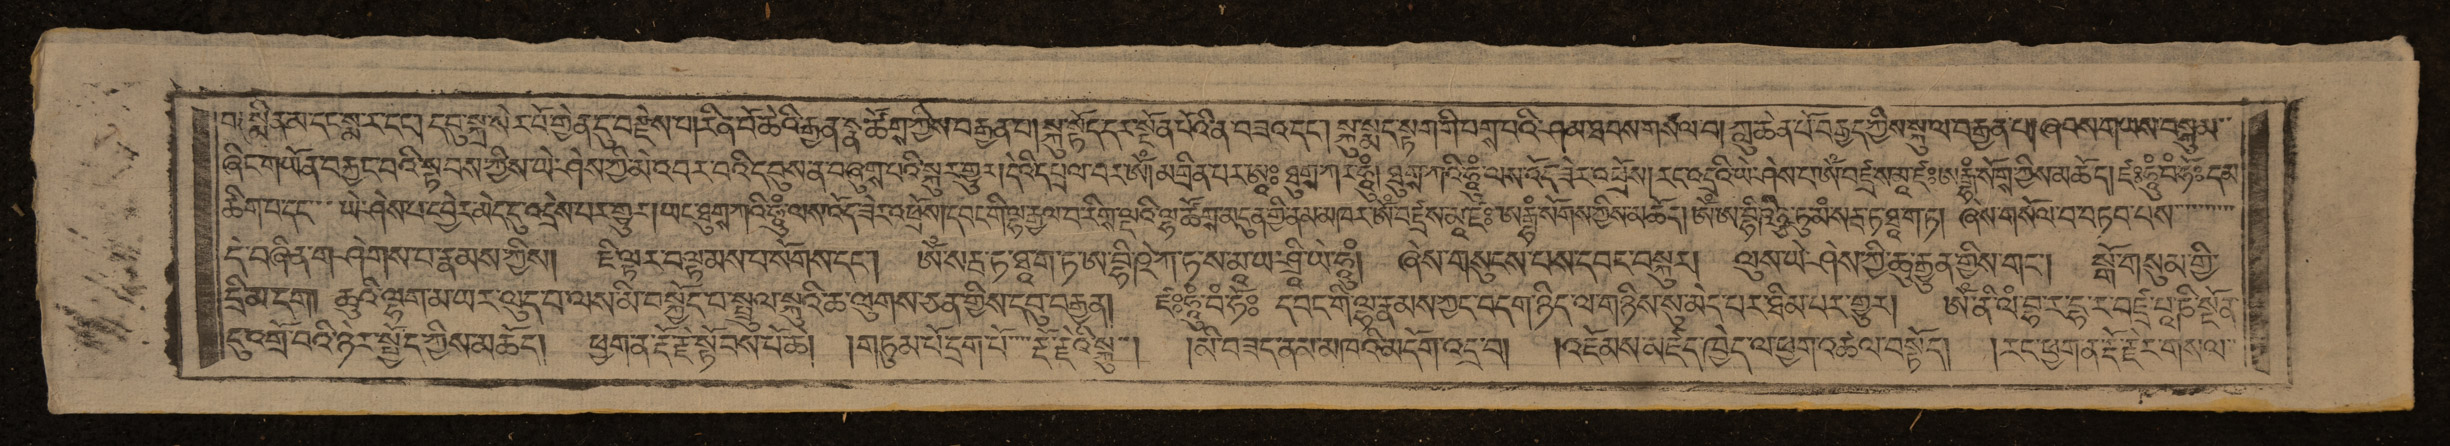བ༑ སྨིན་མ་དང་སྨ་ར་དང་། དབུ་སྐྲ་སེར་པོ་གྱེན་དུ་བརྫེས་པ། རིན་པོ་ཆེའི་རྒྱན་སྣ་ཚོགས་ཀྱིས་བརྒྱན་པ། སྐུ་སྟོད་དར་སྔོན་པོའི་ན་བཟའ་དང་། སྐུ་སྨད་སྟག་གི་པགས་པའི་ཤམ་ཐབས་གསོལ་བ། ཀླུ་ཆེན་པོ་བརྒྱད་ཀྱིས་སྐུ་ལ་བརྒྱན་པ། ཞབས་གཡས་བསྐུམ་
ཞིང་གཡོན་བརྐྱང་བའི་སྟབས་ཀྱིས་ཡེ་ཤེས་ཀྱི་མེ་འབར་བའི་དབུས་ན་བཞུགས་པའི་སྐུར་གྱུར། དེའི་དཔྲལ་བར་ཨོཾ། མགྲིན་པར་ཨཱཿ ཐུགས་ཀར་ཧཱུཾ། ཐུགས་ཀའི་ཧཱུཾ་ལས་འོད་ཟེར་འཕྲོས། རང་འདྲའི་ཡེ་ཤེས་པ་ཨོཾ་བཛྲ་ས་མཱ་ཛཿཨརྒྷཾ་སོགས་ཀྱིས་མཆོད། ཛཿཧཱུཾ་བ་ཧོཿདམ་
ཚིག་པ་དང་ཡེ་ཤེས་པ་དབྱེར་མེད་དུ་འདྲེས་པར་གྱུར། ཡང་ཐུགས་ཀའི་ཧཱུམ་ལས་འོད་ཟེར་འཕྲོས། དབང་གི་ལྷ་རྒྱལ་བ་རིགས་ལྔའི་ལྷ་ཚོགས་མདུན་གྱི་ནམ་མཁར་ཨོཾ་བཛྲ་ས་མཱ་ཛཿཨརྒྷཾ་སོགས་ཀྱིས་མཆོད། ཨོཾ་ཨ་བྷིཥྵྩ་ཏུ་མཾ་སརྦ་ཏ་ཐཱ་ག་ཏ། ཞེས་གསོལ་བ་བཏབ་པས་
དེ་བཞིན་གཤེགས་པ་རྣམས་ཀྱིས། ཇི་ལྟར་བལྟམས་པ་སོགས་དང་། ཨོཾ་སརྦ་ཏ་ཐཱ་ག་ཏ་ཨ་བྷི་ཥེ་ཀ་ཏ་ས་མཱ་ཡ་ཤྲཱི་ཡེ་ཧཱུཾ། ཞེས་གསུངས་པས་དབང་བསྐུར། ལུས་ཡེ་ཤེས་ཀྱི་ཆུ་རྒྱུན་གྱིས་གང་། སྒོ་གསུམ་གྱི་
དྲི་མདག། ཆུའི་ལྷག་མ་ཡར་ལུད་བ་ལས་མི་བསྐྱོད་བ་སྤྲུལ་སྐུའི་ཆ་ལུགས་ཅན་གྱིས་དབུ་བརྒྱན། ཛཿཧཱུཾ་བཾ་ཧོཿ དབང་གི་ལྷ་རྣམས་ཀྱང་བདག་ཉིད་ལ་གཉིས་སུ་མེད་པར་ཐིམ་པར་གྱུར། ཨོཾ་ནི་ལཾ་བྷ་ར་དྷ་ར་བཛྲ་པཱ་ཎི་སྔོན་
དུ་འགྲོ་བའི་ཉེར་སྤྱོད་ཀྱིས་མཆོད། ཕྱག་ན་རྡོ་རྗེ་སྟོབས་པོ་ཆེ། །གཏུམ་པོ་དྲག་པོ་རྡོ་རྗེའི་སྐུ། །མི་བཟད་ནམ་མཁའི་མདོག་འདྲ་བ། །འཇོམས་མཛད་ཁྱེད་ལ་ཕྱག་འཚལ་བསྟོད། །རང་ཕྱག་ན་རྡོ་རྗེར་གསལ་